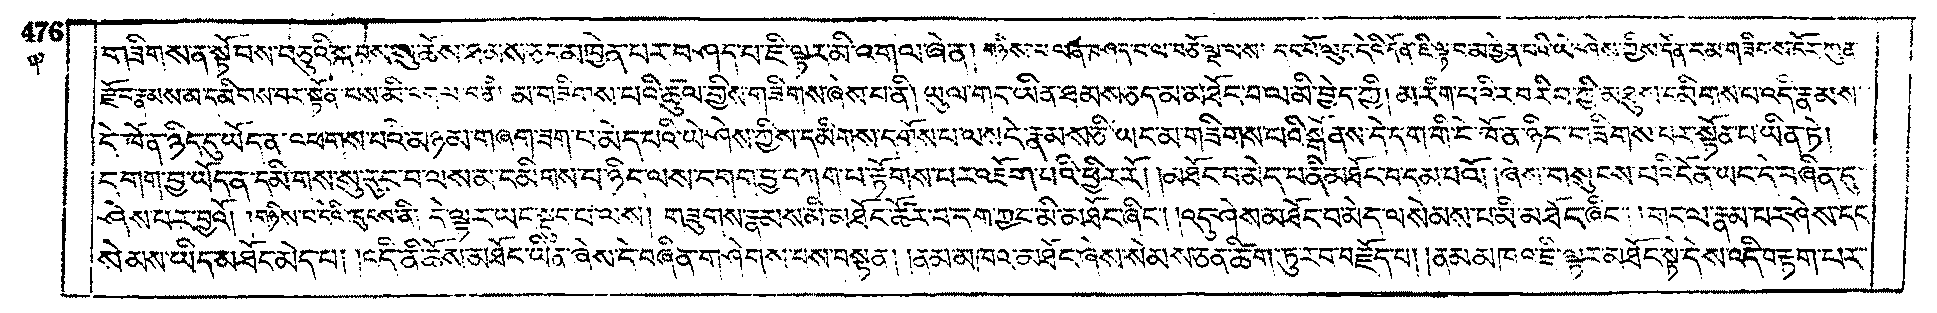གཟིགས་ན་སྟོབས་བཅུའི་སྐབས་སུ་ཆོས་ཐམས་ཅད་མཁྱེན་པར་བཤད་པ་ཇི་ལྟར་མི་འགལ་ཞེ་ན། གཉིས་པ་ལན་བཤད་པ་ལ་བཅོ་ལྔ་ལས། དང་པོ་ལུང་དེའི་དོན་ཇི་ལྟ་བ་མཁྱེན་པའི་ཡེ་ཤེས་ཀྱིས་དོན་དམ་གཟིགས་དོར་ཀུན་
རྫོབ་རྣམས་མ་དམིགས་བར་སྟོན་པས་མི་འགལ་བ་ནི། མ་གཟིགས་པའི་ཚུལ་གྱིས་གཟིགས་ཞེས་པ་ནི། ཡུལ་གང་ཡིན་ཐམས་ཅད་མ་མཐོང་བ་ལ་མི་བྱེད་ཀྱི། མ་རིག་པའི་རབ་རིབ་ཀྱི་མཐུས་དམིགས་པ་འདི་རྣམས་
དེ་ཁོ་ན་ཉིད་དུ་ཡོད་ན་འཕགས་པའི་མཉམ་གཞག་ཟག་པ་མེད་པའི་ཡེ་ཤེས་ཀྱིས་དམིགས་དགོས་པ་ལས་དེ་རྣམས་ཅི་ཡང་མ་གཟིགས་པའི་སྒོ་ནས་དེ་དག་གི་དེ་ཁོ་ན་ཉིད་གཟིགས་པར་སྟོན་པ་ཡིན་ཏེ།
དགག་བྱ་ཡོད་ན་དམིགས་སུ་རུང་བ་ལས་མ་དམིགས་པ་ཉིད་ལས་དགག་བྱ་བཀག་པ་རྟོགས་པར་འཇོག་པའི་ཕྱིར་རོ། །མཐོང་བ་མེད་པ་ནི་མཐོང་བ་དམ་པའོ། །ཞེས་གསུངས་པའི་དོན་ཡང་དེ་བཞིན་དུ་
ཤེས་པར་བྱའོ། །གཉིས་པ་དེའི་ཁུངས་ནི།  དེ་ལྟར་ཡང་སྡུད་པ་ལས། གཟུགས་རྣམས་མི་མཐོང་ཚོར་བ་དག་ཀྱང་མི་མཐོང་ཞིང་། །འདུ་ཤེས་མཐོང་བ་མེད་ལ་སེམས་པ་མི་མཐོང་ཞིང་། །གང་ལ་རྣམ་པར་ཤེས་དང་
སེམས་ཡིད་མཐོང་མེད་པ། །འདི་ནི་ཆོས་མཐོང་ཡིན་ཞེས་དེ་བཞིན་གཤེགས་པས་བསྟན། །ནམ་མཁའ་མཐོང་ཞེས་སེམས་ཅན་ཚིག་ཏུ་རབ་བརྗོད་པ། །ནམ་མཁའ་ཇི་ལྟར་མཐོང་སྟེ་དེས་འདི་བརྟག་པར་